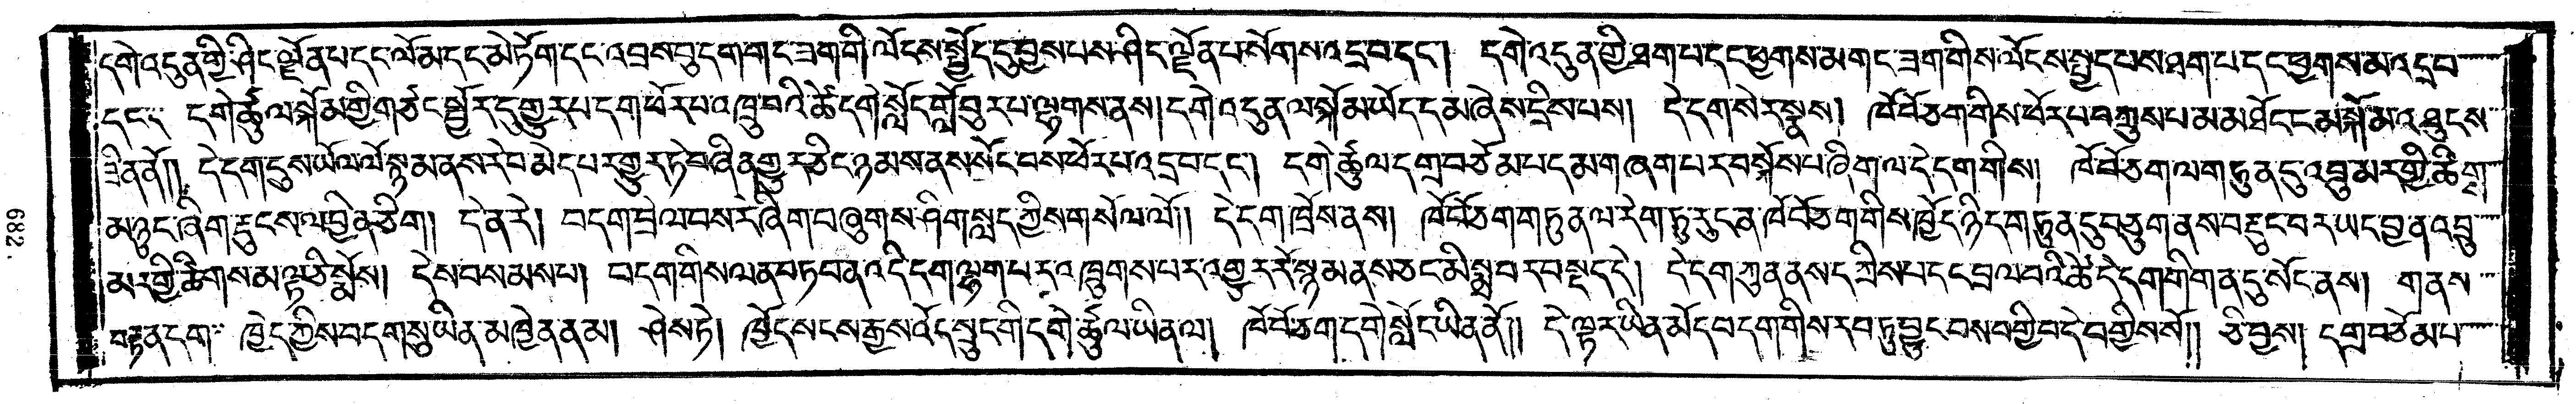དགེ་འདུན་གྱི་ཤིང་ལྗོན་པ་དང་ལོ་མ་དང་མེ་ཏོག་དང་འབྲས་བུ་དག་གང་ཟག་གི་ལོངས་སྤྱོད་དུ་བྱས་པས་ཤིང་ལྗོན་པ་སོགས་འདྲ་བ་དང་། དགེ་འདུན་གྱི་ཐག་པ་དང་ཕྱགས་མ་གང་ཟག་གིས་ལོངས་སྤྱད་པས་ཐག་པ་དང་ཕྱགས་མ་འདྲ་བ་
དང༑ དགེ་ཚུལ་སྐོམ་གྱི་གཙང་སྦྱོར་དུ་གྱུར་པ་དག་ཕོར་པ་འཁྲུ་བའི་ཚེ་དགེ་སློང་གློ་བུར་པ་ལྷགས་ནས། དགེ་འདུན་ལ་སྐོམ་ཡོད་དམ་ཞེས་དྲིས་པས། དེ་དག་སེར་སྣས། ཁོ་བོ་ཅག་གིས་ཕོར་པ་བཀྲུས་པ་མ་མཐོང་ངམ་སྐོམ་འཐུངས་
ཟིན་ནོ།། དེ་དག་དུས་ཡོལ་ལོ་སྙམ་ནས་རེ་བ་མེད་པར་གྱུར་ཏེ་བཞིན་གྱུར་ཅིང་ཉམས་ནས་སོང་བས་ཕོར་པ་འདྲ་བ་དང་། དགེ་ཚུལ་དགྲ་བཅོམ་པ་དམ་གཞག་པར་བསྐོས་པ་ཞིག་ལ་དེ་དག་གིས། ཁོ་བོ་ཅག་ལ་གཏུན་དུ་འབྲུ་མར་གྱི་ཚིགས་
མ་ཉུང་ཞིག་རྡུངས་ལ་བྱིན་ཅིག། དེ་ན་རེ། བདག་བྲེལ་བས་རེ་ཞིག་བཞུགས་ཤིག་སླད་ཀྱིས་གསོལ་ལོ།། དེ་དག་ཁྲོས་ནས། ཁོ་བོ་ཅག་གཏུན་ལ་རེག་ཏུ་རུང་ན་ཁོ་བོ་ཅག་གིས་ཁྱོད་ཉིད་གཏུན་དུ་བཅུག་ནས་བརྡུང་བར་ཡང་བྱ་ན་འབྲུ་
མར་གྱི་ཚིགས་མ་ལྟ་ཅི་སྨོས། དེས་བསམས་པ། བདག་གིས་ལན་བཏབ་ན་འདི་དག་ལྷག་པར་འཁྲུགས་པར་འགྱུར་རོ་སྙམ་ནས་ཅང་མི་སྨྲ་བར་བསྡད་དེ། དེ་དག་ཀུན་ནས་དཀྲིས་པ་དང་བྲལ་བའི་ཚེ་དེ་དག་གི་གན་དུ་སོང་ནས། གནས་
བརྟན་དག༑ ཁྱེད་ཀྱིས་བདག་སུ་ཡིན་མཁྱེན་ནམ། ཤེས་ཏེ། ཁྱོད་སངས་རྒྱས་འོད་སྲུང་གི་དགེ་ཚུལ་ཡིན་ལ། ཁོ་བོ་ཅག་དགེ་སློང་ཡིན་ནོ།། དེ་ལྟར་ཡིན་མོད་བདག་གིས་རབ་ཏུ་བྱུང་བས་བགྱིས་སོ།། ཅི་བྱས། དགྲ་བཅོམ་པ་